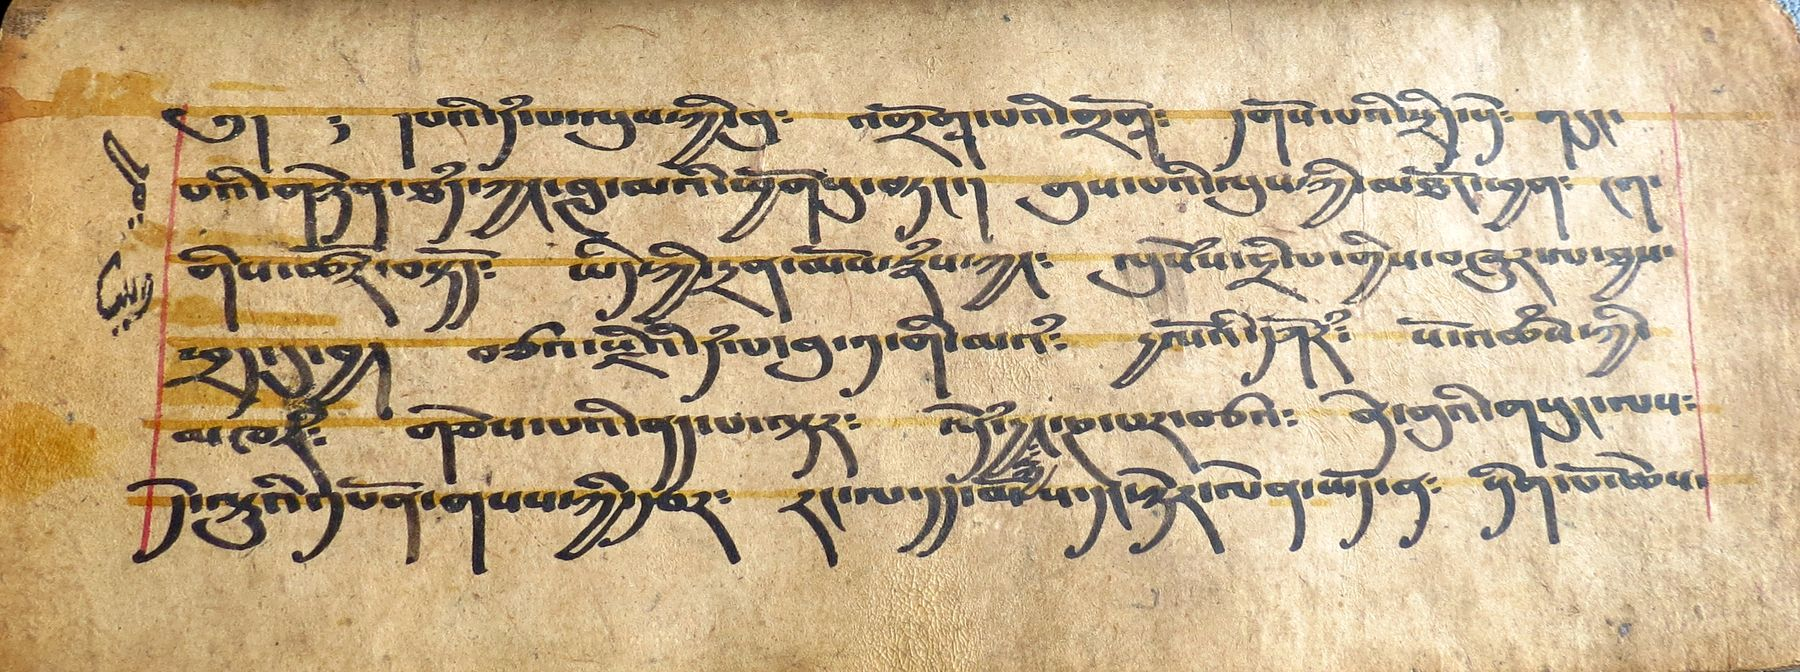པའི་དམ་པ་ལུས་ཀྱི་བུ། འགྲོགས་པའི་གྲོགས། དགོས་པའི་སྲིད་སྡེ། གདུང་
བའི་གཉེན་ཐམས་ཐད་ཀྱང་བླ་མའི་ཕྱོགས་སུ་བཏང་། གུས་པའི་དམ་པ། ལུས་ཀྱིས་མཐོང་ཕྱག ངག་
གིས་ཚོར་བསྟོད། ཡིད་ཀྱིས་དྲན་མོས་ལ་སོགས་པ་པ་རྣམས་ཀྱང་། ལུས་སེམས་ཧྲིལ་གྱིས་དྲིལ་ལ་ཐུག་
ཕྲད་དུ་བྱ། བཙའ་རྫིའི་དམ་པ་བུ་གཅིག་གི་མའམ། རྒྱལ་པོའི་དཀོར་རམ། སོ་མཚམས་ཀྱི་
མཁར་རམ། གཅེས་པའི་ནད་པ་ལྟར་ལྡེམ་རྒྱང་མེད་པར་བཙའ་སྟེ། ནེ་གུའི་གསུང་ལས།
དེ་ལྟ་བུའི་དཔོན་གསས་ཀྱི་རྩར་རང་ལ་དད་མོས་དང་ཉེར་ལེན་ཡོད་ན་སྡིག་པོ་ཆེས་